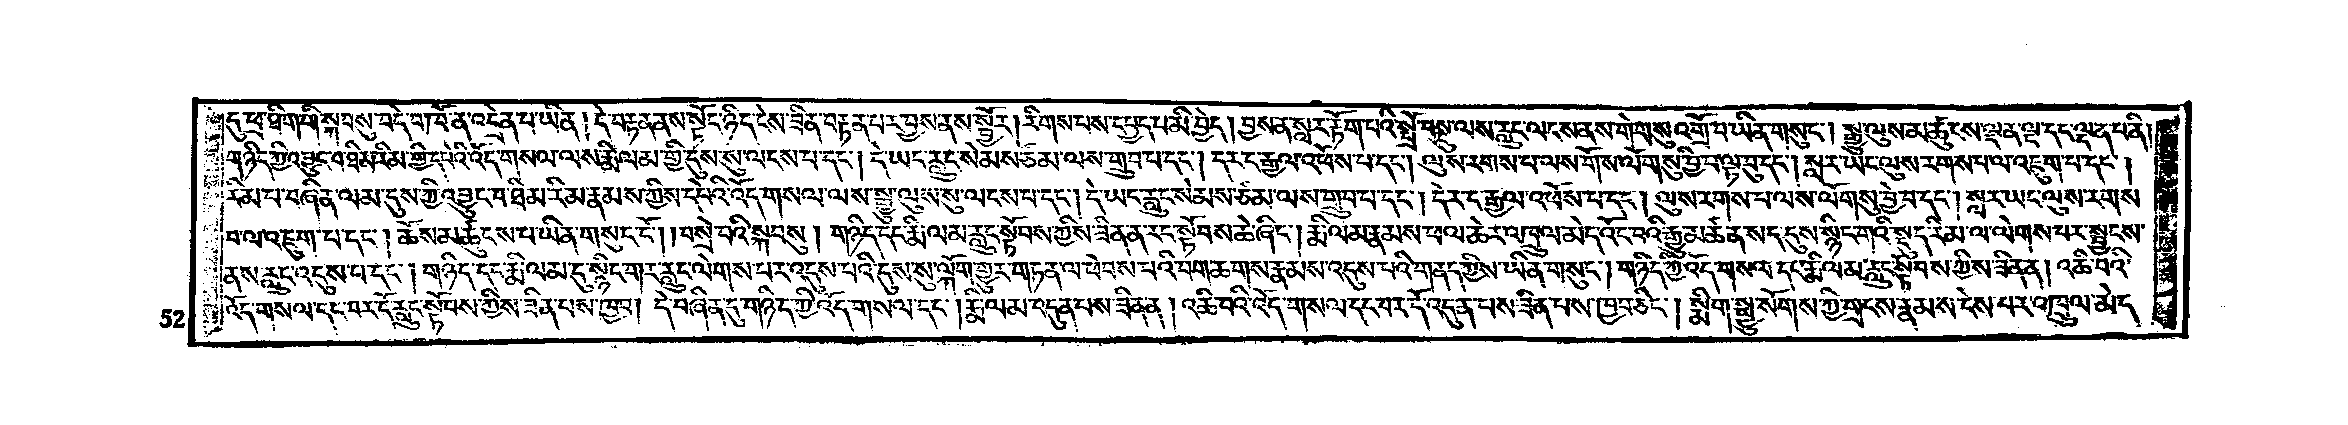དུ་ཕྲ་ཐིག་གི་སྐབས་སུ་བདེ་བ་ཁོ་ན་འདྲེན་པ་ཡིན། དེ་བརྟན་ནས་སྟོང་ཉིད་ངེས་ཟིན་བརྟན་པར་བྱས་ནས་སྦྱོར། རིགས་པས་དཔྱད་པ་མི་བྱེད། བྱས་ན་སླར་རྟོག་པའི་སྤྲོ་བསྡུ་ལས་རླུང་ལངས་ནས་གེགས་སུ་འགྲོ་བ་ཡིན་གསུང་། སྒྱུ་ལུས་མཚུངས་ལྡན་ལྔ་དང་ལྡན་པ་ནི།
གཉིད་ཀྱི་འབྱུང་བ་ཐིམ་རིམ་གྱི་དཔེའི་འོད་གསལ་ལས་རྨི་ལམ་གྱི་དུས་སུ་ལངས་པ་དང་། དེ་ཡང་རླུང་སེམས་ཙམ་ལས་གྲུབ་པ་དང་། དར་ང་རྒྱལ་འཕོས་པ་དང་། ལུས་རགས་པ་ལས་གོ་ས་ལོགས་སུ་བྱེ་བ་ལྟ་བུ་དང་། སླར་ཡང་ལུས་རགས་པ་ལ་འཇུག་པ་དང་།
རིམ་པ་བཞིན་ལམ་དུས་ཀྱི་འབྱུང་བ་ཐིམ་རིམ་རྣམས་ཀྱིས་དཔེའི་འོད་གསལ་ལས་སྒྱུ་ལུས་སུ་ལངས་པ་དང་། དེ་ཡང་རླུང་སེམས་ཙམ་ལས་གྲུབ་པ་དང་། དེར་ང་རྒྱལ་འཕོས་པ་དང་། ལུས་རགས་པ་ལས་ལོགས་སུ་བྱེ་བ་དང་། སླར་ཡང་ལུས་རགས་
པ་ལ་འཇུག་པ་དང་། ཆོས་མཚུངས་པ་ཡིན་གསུང་ངོ། །བསྲེ་བའི་སྐབས་སུ། གཉིད་དང་རྨི་ལམ་རླུང་སྟོབས་ཀྱིས་ཟིན་ན་རང་སྟོབས་ཆེ་ཞིང་། རྨི་ལམ་རྣམས་ཕལ་ཆེར་འཁྲུལ་མེད་འོང་བའི་རྒྱུ་མཚན་སད་དུས་སྙིང་གའི་སྡུད་རིམ་ལ་ལེགས་པར་སྦྱངས་
ནས་རླུང་འདུས་པ་དང་། གཉིད་དང་རྨི་ལམ་དུ་སྙིང་གར་རླུང་ལེགས་པར་འདུས་པའི་དུས་སུ་ལྐོག་གྱུར་གཏན་ལ་ཕེབས་པའི་བག་ཆགས་རྣམས་འདུས་པའི་གནད་ཀྱིས་ཡིན་གསུང་། གཉིད་ཀྱི་འོད་གསལ་དང་རྨི་ལམ་རླུང་སྟོབས་ཀྱིས་ཟིན་ན། འཆི་བའི་
འོད་གསལ་དང་བར་དོ་རླུང་སྟོབས་ཀྱིས་ཟིན་པས་ཁྱབ། དེ་བཞིན་དུ་གཉིད་ཀྱི་འོད་གསལ་དང་། རྨི་ལམ་འདུན་པས་ཟིན་ན། འཆི་བའི་འོད་གསལ་དང་བར་དོ་འདུན་པས་ཟིན་པས་ཁྱབ་ཅིང་། སྨིག་སྒྱུ་སོགས་ཀྱི་གྲངས་རྣམས་ངེས་པར་འཁྲུལ་མེད་